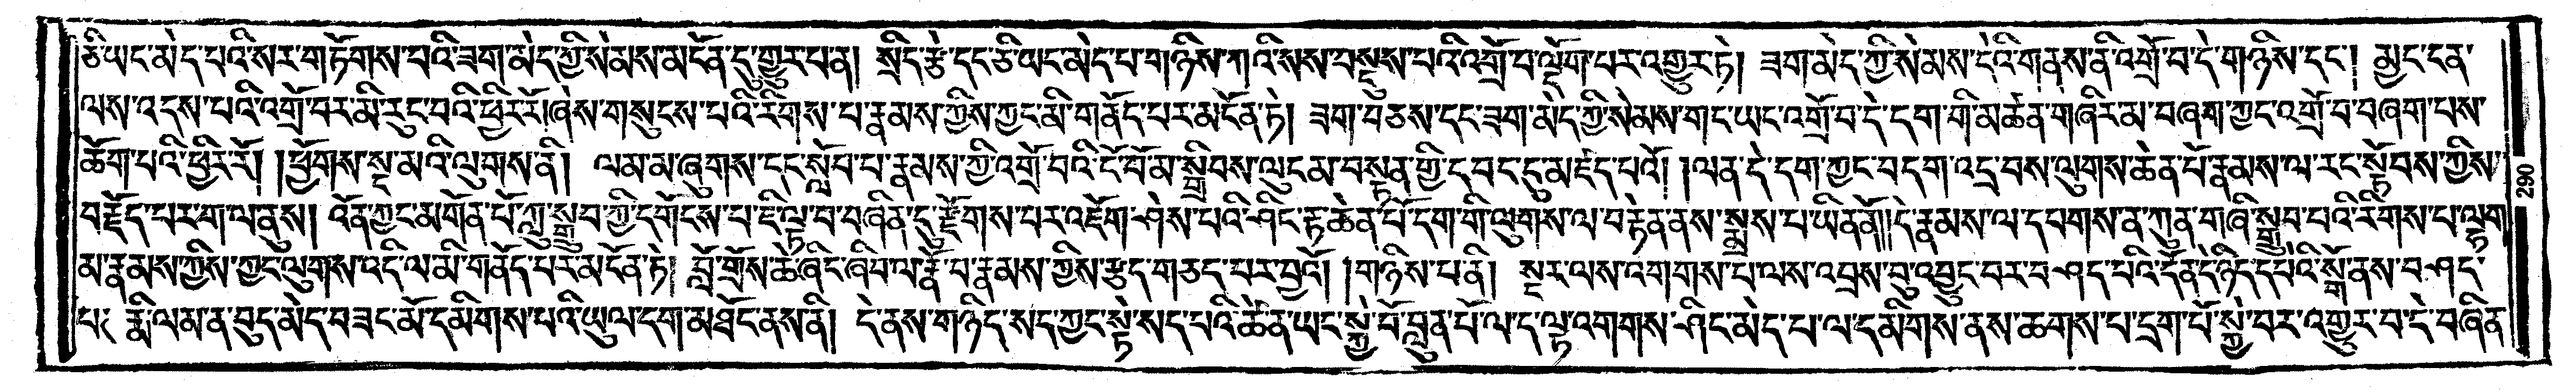ཅི་ཡང་མེད་པའི་སར་གཏོགས་པའི་ཟག་མེད་ཀྱི་སེམས་མངོན་དུ་གྱུར་པ་ན། སྲིད་རྩེ་དང་ཅི་ཡང་མེད་པ་གཉིས་ཀའི་སས་བསྡུས་པའི་འགྲོ་བ་ལྡོག་པར་འགྱུར་ཏེ། ཟག་མེད་ཀྱི་སེམས་དེའི་གནས་ནི་འགྲོ་བ་དེ་གཉིས་དང་། མྱང་ངན་
ལས་འདས་པའི་འགྲོ་བར་མི་རུང་བའི་ཕྱིར་རོ། ཞེས་གསུངས་པའི་རིགས་པ་རྣམས་ཀྱིས་ཀྱང་མི་གནོད་པར་མངོན་ཏེ། ཟག་བཅས་དང་ཟག་མེད་ཀྱི་སེམས་གང་ཡང་འགྲོ་བ་དེ་དག་གི་མཚན་གཞིར་མ་བཞག་ཀྱང་འགྲོ་བ་བཞག་པས་
ཆོག་པའི་ཕྱིར་རོ། །ཕྱོགས་སྔ་མའི་ལུགས་ནི། ལམ་མ་ཞུགས་དང་སློབ་པ་རྣམས་ཀྱི་འགྲོ་བའི་ངོ་བོ་མ་སྒྲིབས་ལུང་མ་བསྟན་གྱི་དབང་དུ་མཛད་པའོ། །ལན་དེ་དག་ཀྱང་བདག་འདྲ་བས་ལུགས་ཆེན་པོ་རྣམས་ལ་རང་སྟོབས་ཀྱིས་
བརྗོད་པར་ག་ལ་ནུས། འོན་ཀྱང་མགོན་པོ་ཀླུ་སྒྲུབ་ཀྱི་དགོངས་པ་ཇི་ལྟ་བ་བཞིན་དུ་རྫོགས་པར་འཇོག་ཤེས་པའི་ཤིང་རྟ་ཆེན་པོ་དག་གི་ལུགས་ལ་བརྟེན་ནས་སྨྲས་པ་ཡིན་ནོ། །དེ་རྣམས་ལ་དཔགས་ན་ཀུན་གཞི་སྒྲུབ་པའི་རིགས་པ་ལྷག་
མ་རྣམས་ཀྱིས་ཀྱང་ལུགས་འདི་ལ་མི་གནོད་པར་མངོན་ཏེ། བློ་གྲོས་ཆེ་ཞིང་ཞིབ་ལ་རྣོ་བ་རྣམས་ཀྱིས་རྩད་གཅད་པར་བྱའོ། །གཉིས་པ་ནི། སྔར་ལས་འགགས་པ་ལས་འབྲས་བུ་འབྱུང་བར་བཤད་པའི་དོན་དེ་ཉིད་དཔེའི་སྒོ་ནས་བཤད་
པ༑ རྨི་ལམ་ན་བུད་མེད་བཟང་མོ་དམིགས་པའི་ཡུལ་དག་མཐོང་ནས་ནི། དེ་ནས་གཉིད་སད་ཀྱང་སད་པའི་ཚེ་ན་ཡང་སྐྱེ་བོ་བླུན་པོ་ལ་ད་ལྟ་འགགས་ཤིང་མེད་པ་ལ་དམིགས་ནས་ཆགས་པ་དྲག་པོ་སྐྱེ་བར་འགྱུར་བ་དེ་བཞིན་